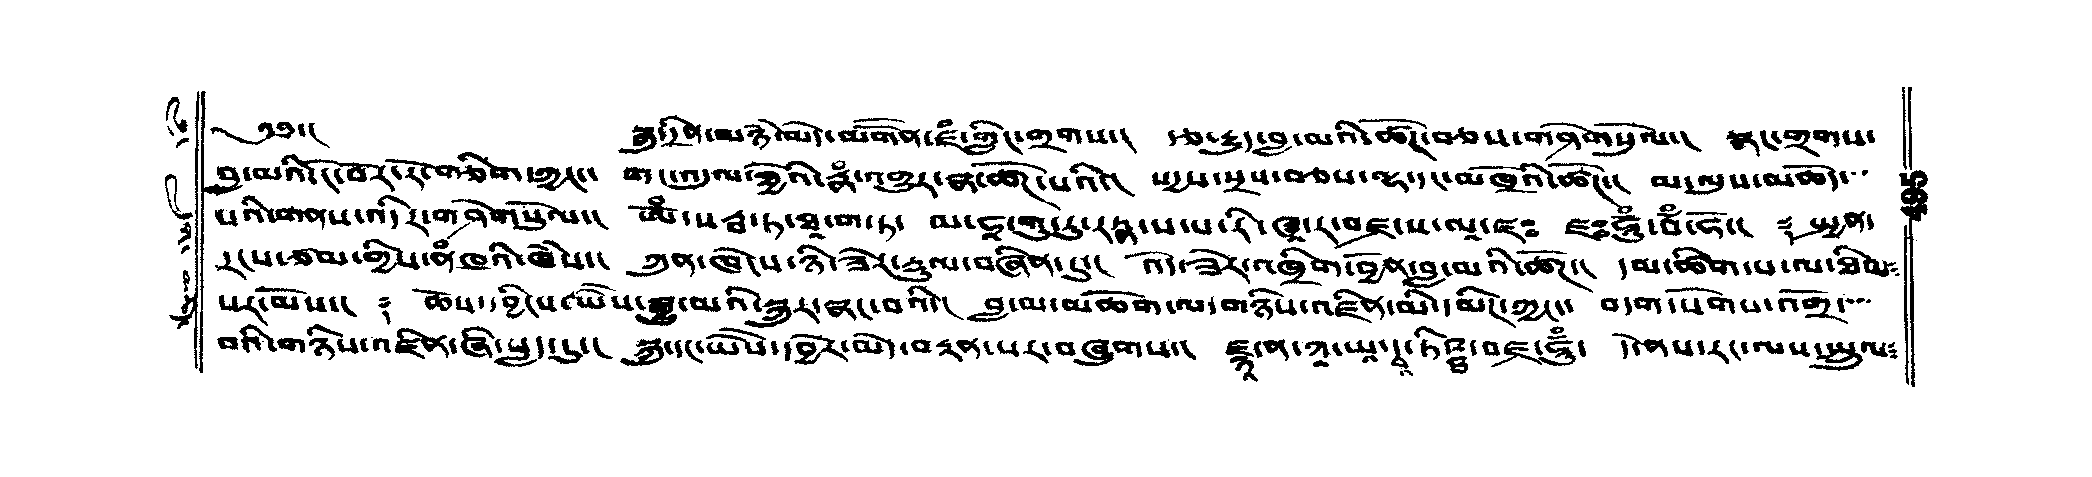སྐུ་དྲིན་མཉམ་མེད་མགོན་པོ་འཛམ་གླིང་གྲགས། །རྩ་རྒྱུད་བླ་མའི་ཚོགས་བཅས་གཤེགས་སུ་་གསོལ། །སྣང་གྲགས་
བླ་མའི་ངོ་བོར་རོ་གཅིག་ཀྱང་། །གང་འདུལ་ཐུགས་རྗེའི་རྣམ་འགྱུར་སྣ་ཚོགས་པའི། །སངས་རྒྱས་སྲས་བཅས་ལྷ་དང་མཁའ་འགྲོའི་ཚོགས། །མ་ལུས་མཆོད་
པའི་གནས་འདིར་གཤེགས་སུ་གསོལ། །ཨོྂ་སརྦ་ཏ་ཐཱ་ག་ཏ། མ་ཧཱ་གུ་རུ་རཏྣ་ས་པ་རི་ཝཱ་ར་བཛྲ་ས་ལཱ་ཛཿ ཛཿཧཱུྂ་བྂ་ཧོ།༈ སྤྱན་
དྲངས་ཙམ་གྱི་ནམ་མཁའི་ཁམས། །ཀུན་ཁེངས་ཉི་ཟེར་རྡུལ་བཞིན་དུ། །འོད་ཟེར་འཁྲིག་བྱོན་བླ་མའི་ཚོགས། །དམ་ཚིག་པ་ལ་ཐིམ་
པར་མོས། ༈ ཆོས་དབྱིངས་ཡེ་ཤེས་སྒྱུ་མའི་སྐུར་སྣང་བའི། །བླ་མ་མཆོག་ལ་གཉིས་འཛིན་མི་དམིགས་ཀྱང་། །བདག་སོགས་འགྲོ་
བའི་གཉིས་འཛིན་ཞི་སླད་དུ། །སྐུ་དང་ཡེ་ཤེས་དབྱེར་མེད་བརྟན་པར་བཞུགས། །ཛྙཱ་ན་ཀཱ་ཡཱ་དྭཱ་ཏིཥྛ་བཛྲ་ཧཱུྂ། དེ་ནས་རང་ལས་སྤྲུལ་